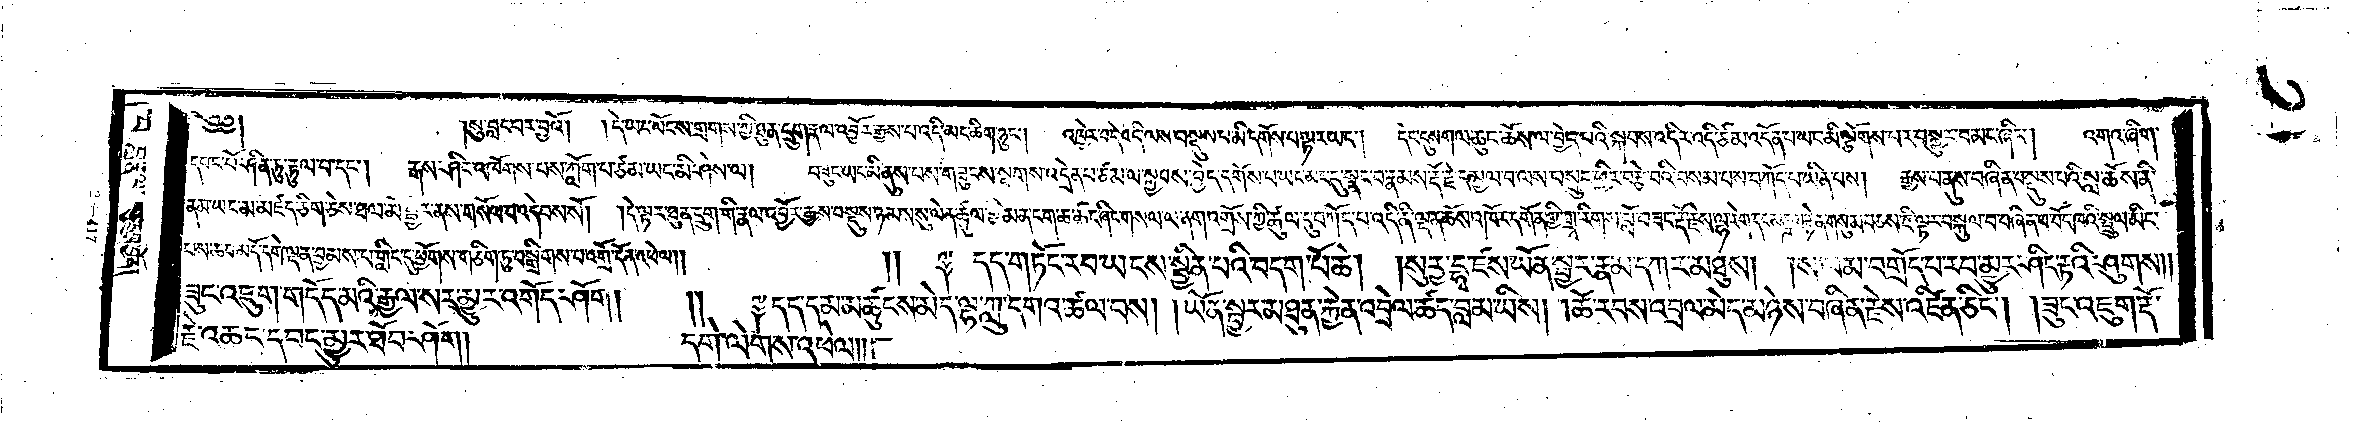༄༅། །སུ་བླང་བར་བྱའོ། །དེ་ཡང་ཡོངས་གྲགས་ཀྱི་ཐུན་དྲུག་རྣལ་འབྱོར་རྒྱས་པ་འདི་མང་ཚིག་ཉུང་། འཁྱེར་བདེ་འདི་ལས་བསྡུས་པ་མི་དགོས་པ་ལྟར་ཡང་། དེང་དུས་གལ་ཆུང་ཆོས་ལ་བྱེད་པའི་སྐབས་འདིར་འདི་ཙམ་འདོན་པ་ཡང་མི་ལྕོགས་པར་བསྐྱུར་བ་མང་ཞིང་། འགའ་ཞིག་
དབང་པོ་ཤིན་ཏུ་རྟུལ་བ་དང་། རྒས་ཤིང་འཁོགས་པས་ཀློག་པ་ཙམ་ཡང་མི་ཤེས་ལ། བཟུང་ཡང་མི་ནུས་པས་གཟུངས་སྔགས་འདྲེན་པ་ཙམ་ལ་སྐྱབས་བྱེད་དགོས་པ་ཡང་མང་དུ་སྣང་བ་རྣམས་རྡོ་རྗེ་དམྱལ་བ་ལས་བསྲུང་ཕྱིར་བརྩེ་བའི་བསམ་པས་བཀོད་པ་ཡིན་པས། རྒྱས་པ་ནུས་བཞིན་བསྡུས་པའི་སླ་ཆོས་ནི་
ནམ་ཡང་མ་མཛད་ཅིག་ཅེས་ཐལ་མོ་སྦྱོར་ནས་གསོལ་བ་འདེབས་སོ། །དེ་ལྟར་ཐུན་དྲུག་གི་རྣལ་འབྱོར་རྒྱས་བསྡུས་ཉམས་སུ་ལེན་ཚུལ་གྱི་མན་ངག་ཆ་ཚང་ཞིང་གསལ་ལ་ནག་འགྲོས་ཀྱི་ཚུལ་དུ་བཀོད་པ་འདི་ནི་ལྡན་ཆོས་འཁོར་དགོན་གྱི་གྲྭ་རིགས་བློ་བཟང་རྡོ་རྗེས་ལྷ་རེག་དང་མཎྜལ་རྟེན་གསུམ་བཅས་ཇི་ལྟར་བསྐུལ་བ་བཞིན་ཕ་བོད་ཁའི་སྤྲུལ་མིང་
པས་ཆབ་མདོ་དགེ་ལྡན་བྱམས་པ་གླིང་དུ་ཕྱོགས་གཅིག་ཏུ་བསྒྲིགས་པ་འགྲོ་དོན་འཕེལ།། །། ༈ དད་གཏོང་རབ་ཡངས་སྦྱིན་པའི་བདག་པོ་ཆེ། །སུརྱ་དྷྭ་ཛས་ཡོན་སྦྱར་རྣམ་དཀར་མཐུས། །ས་ལམ་བགྲོད་པ་རབ་མྱུར་ཤིང་རྟའི་ཤུགས།།
ཟུང་འཇུག་གདོད་མའི་རྒྱལ་སར་མྱུར་འགོད་ཤོག། །། ༈ དད་དམ་མཚུངས་མེད་ལྷ་ཀླུ་དགའ་ཚལ་བས། །ཡོན་སྦྱར་མཐུན་རྐྱེན་འབྲེལ་ཚད་བླ་མ་ཡིས། །ཚེ་རབས་འབྲལ་མེད་མཉེས་བཞིན་རྗེས་འཛིན་ཅིང་། །ཟུང་འཇུག་རྡོ་
རྗེ་འཆང་དབང་མྱུར་ཐོབ་ཤོག། དགེ་ལེགས་འཕེལ།།